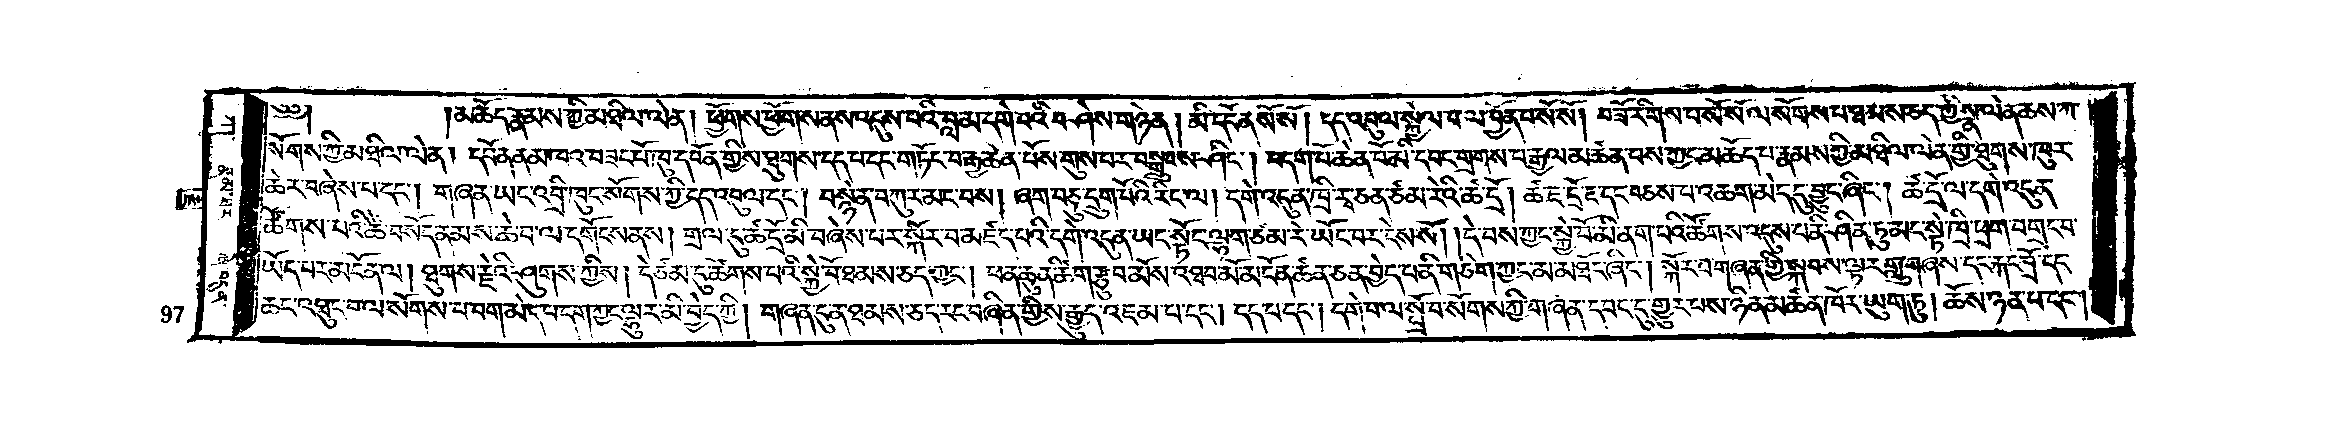༄༅། །མཆོད་རྣམས་ཀྱི་མཐིལ་ལེན། ཕྱོགས་ཕྱོགས་ནས་འདུས་པའི་བླ་མ་དགེ་བའི་བཤེས་གཉེན། མི་དབོན་སོ་སོ། དད་འབུལ་སྐྱེལ་བ་ལ་བྱོན་པ་སོ་སོ། བཟོ་རིགས་པ་སོ་སོ་ལ་སོགས་པ་ཐམས་ཅད་ཀྱི་སྣ་ལེན་ཆས་ཀ་
སོགས་ཀྱི་མཐིལ་ལེན། དཔོན་ནམ་མཁའ་བཟང་པོ་ཁུ་དབོ་གྱིས་ཐུགས་དད་པ་དང་གཏོང་བ་རྒྱ་ཆེན་པོས་གུས་པར་བསྒྲུབས་ཤིང་། བདག་པོ་ཆེན་པོ་མི་དབང་གྲགས་པ་རྒྱལ་མཚན་པས་ཀྱང་མཆོད་པ་རྣམས་ཀྱི་མཐིལ་ལེན་གྱི་ཐུགས་ཁུར་
ཆེར་བཞེས་པ་དང་། གཞན་ཡང་འབྲི་ཁུང་སོགས་ཀྱི་དད་འབུལ་དང་། བསྙེན་བཀུར་མང་བས། ཞག་བཅུ་དྲུག་པོའི་རིང་ལ། དགེ་འདུན་ཁྲི་རྭ་ཅན་ཙམ་རེའི་ཚ་དྲོ། ཚ་ཇ་དྲོ་ཇ་དང་བཅས་པ་འཆག་མེད་དུ་བྱུང་ཞིང་། ཚ་དྲོ་ལ་དགེ་འདུན་
ཚོགས་པའི་ཚེ་བསོད་ནམས་ཆེ་བ་ལ་དགོངས་ནས། གྲལ་དུ་ཚ་དྲོ་མི་བཞེས་པར་སྐོར་བ་མཛད་པའི་དགེ་འདུན་ཡང་སྟོང་ལྷག་ཙམ་རེ་ཡོང་བར་ངེས་སོ། །དེ་བས་ཀྱང་སྐྱེ་བོ་མི་ནག་པའི་ཚོགས་འདུས་པ་ནི་ཤིན་ཏུ་མང་སྟེ་ཁྲི་ཕྲག་བགྲང་པ་
ཡོད་པར་མངོན་ལ། ཐུགས་རྗེའི་ཤུགས་ཀྱིས། དེ་ཙམ་དུ་ཚོགས་པའི་སྐྱེ་བོ་ཐམས་ཅད་ཀྱང་། ཕན་ཚུན་ཚིག་རྩུབ་མོས་འཐབ་མོ་མངོན་ཚན་ཅན་བྱེད་པ་ནི་གཅིག་ཀྱང་མ་མཐོང་ཞིང་། སྐོར་བ་གཞན་གྱི་སྐབས་ལྟར་གླུ་གཞས་དང་རྐང་བྲོ་དང་
ཆང་འཐུང་བ་ལ་སོགས་པ་བག་མེད་པ་དག་ཀྱང་ལྷུར་མི་བྱེད་ཀྱི། གཞན་དུ་ན་ཐམས་ཅད་རང་བཞིན་གྱིས་རྒྱུད་འཇམ་པ་དང་། དད་པ་དང་། དགེ་བ་ལ་སྤྲོ་བ་སོགས་ཀྱི་གཞན་དབང་དུ་གྱུར་པས་ཉིན་མཚན་ཁོར་ཡུག་ཏུ། ཆོས་ཉན་པ་དང་།